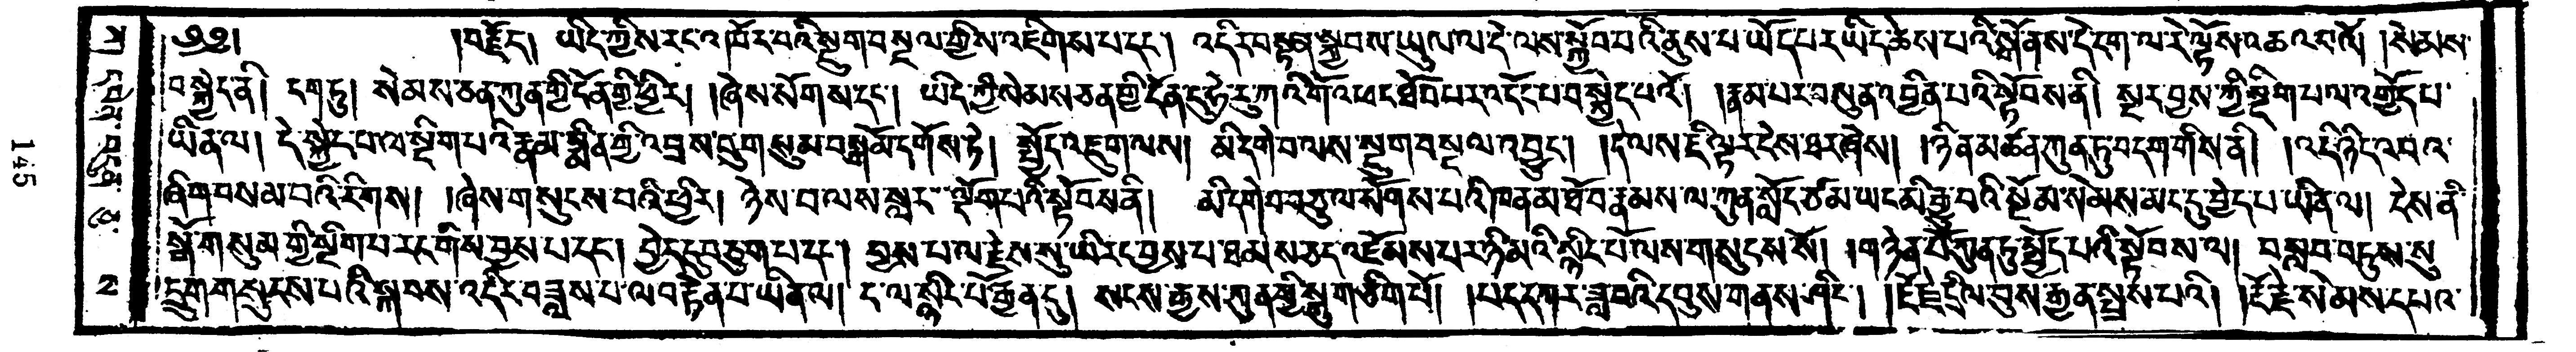༄༅། །བརྗོད། ཡིད་ཀྱིས་རང་འཁོར་བའི་སྡུག་བསྔལ་གྱིས་འཇིགས་པ་དང་། འདིར་བསྟན་སྐྱབས་ཡུལ་ལ་དེ་ལས་སྐྱོབ་པའི་ནུས་པ་ཡོད་པར་ཡིད་ཆེས་པའི་སྒོ་ནས་དེ་དག་ལ་རེ་ལྟོས་འཆལ་བའོ། །སེམས་
བསྐྱེད་ནི། ངག་ཏུ། སེམས་ཅན་ཀུན་གྱི་དོན་གྱི་ཕྱིར། །ཞེས་སོགས་དང་། ཡིད་ཀྱི་སེམས་ཅན་གྱི་དོན་དུ་ཧེ་རུ་ཀའི་གོ་འཕང་ཐོབ་པར་འདོད་པ་བསྐྱེད་པའོ། །རྣམ་པར་བསུན་འབྱིན་པའི་སྟོབས་ནི། སྔར་བྱས་ཀྱི་སྡིག་པ་ལ་འགྱོད་པ་
ཡིན་ལ། དེ་སྐྱེད་པ་ལ་སྡིག་པའི་རྣམ་སྨིན་གྱི་འབྲས་བུ་གསུམ་བསྒོམ་དགོས་ཏེ། སྤྱོད་འཇུག་ལས། མི་དགེ་བ་ལས་སྡུག་བསྔལ་འབྱུང་། །དེ་ལས་ཇི་ལྟར་ངེས་ཐར་ཞེས། །ཉིན་མཚན་ཀུན་ཏུ་བདག་གིས་ནི། །འདི་ཉིད་འབའ་
ཞིག་བསམ་བའི་རིགས། །ཞེས་གསུངས་པའི་ཕྱིར། ཉེས་བ་ལས་སླར་ལྡོག་པའི་སྟོབས་ནི། མི་དགེ་བ་བཅུ་ལ་སོགས་པའི་ཁ་ན་མ་ཐོ་བ་རྣམས་ལ་ཀུན་སློང་ཙམ་ཡང་མི་རྒྱུ་བའི་སྔོམ་སེམས་མང་དུ་བྱེད་པ་ཡིན་ལ། ངེས་ནི་
སྒོ་གསུམ་གྱི་སྡིག་པ་རང་གིས་བྱས་པ་དང་། བྱེད་དུ་བཅུག་པ་དང་། བྱས་པ་ལ་རྗེས་སུ་ཡི་རང་བྱས་པ་ཐམས་ཅད་འཇོམས་པར་ཉི་མའི་སྙིང་པོ་ལས་གསུངས་སོ། །གཉེན་པོ་ཀུན་ཏུ་སྤྱོད་པའི་སྟོབས་ལ། བསླབ་བཏུས་སུ་
དྲུག་གསུངས་པའི་སྐབས་འདིར་བཟླས་པ་ལ་བརྟེན་པ་ཡིན་ལ། ང་ལ་སྙིང་པོ་རྒྱན་དུ། སངས་རྒྱས་ཀུན་གྱི་སྐུ་གཅིག་པོ། །པད་དཀར་ཟླ་བའི་དབུས་གནས་ཤིང་། །རྡོ་རྗེ་དྲིལ་བུས་རྒྱན་སྤྲས་པའི། །རྡོ་རྗེ་སེམས་དཔའ་